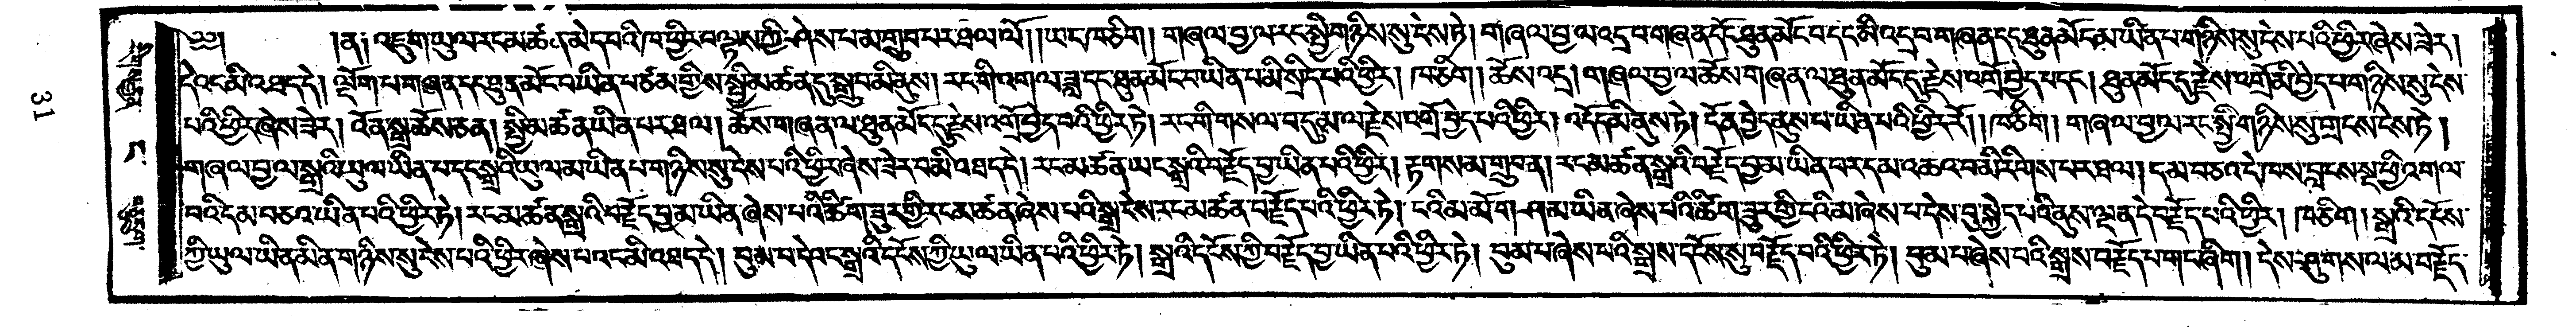༄༅། །ན༑ འཇུག་ཡུལ་རང་མཚན་མེད་པའི་ཁ་ཕྱིར་བལྟས་ཀྱི་ཤེས་པ་མ་གྲུབ་པར་ཐལ་ལོ། །ཡང་ཁ་ཅིག །གཞལ་བྱ་ལ་རང་སྤྱི་གཉིས་སུ་ངེས་ཏེ། གཞལ་བྱ་ལ་འདྲ་བ་གཞན་དང་ཐུན་མོང་བ་དང་མི་འདྲ་བ་གཞན་དང་ཐུན་མོང་མ་ཡིན་པ་གཉིས་སུ་ངེས་པའི་ཕྱིར་ཞེས་ཟེར།
དེའང་མི་འཐད་དེ། ལྡོག་པ་གཞན་དང་ཐུན་མོང་བ་ཡིན་པ་ཙམ་གྱིས་སྤྱི་མཚན་དུ་སྒྲུབ་མི་ནུས། རང་གི་འགལ་ཟླ་དང་ཐུན་མོང་བ་ཡིན་པ་མི་སྲིད་པའི་ཕྱིར། ཁ་ཅིག །ཆོས་འདྲ། གཞལ་བྱ་ལ་ཆོས་གཞན་ལ་ཐུན་མོང་དུ་རྗེས་འགྲོ་བྱེད་པ་དང་། ཐུན་མོང་དུ་རྗེས་འགྲོ་མི་བྱེད་པ་གཉིས་སུ་ངེས་
པའི་ཕྱིར་ཞེས་ཟེར། འོ་ན་སྒྲ་ཆོས་ཅན། སྤྱི་མཚན་ཡིན་པར་ཐལ། ཆོས་གཞན་ལ་ཐུན་མོང་དུ་རྗེས་འགྲོ་བྱེད་པའི་ཕྱིར་ཏེ། རང་གི་གསལ་བ་དུ་མ་ལ་རྗེས་འགྲོ་བྱེད་པའི་ཕྱིར། འདོད་མི་ནུས་ཏེ། དོན་བྱེད་ནུས་པ་ཡིན་པའི་ཕྱིར་རོ། །ཁ་ཅིག །གཞལ་བྱ་ལ་རང་སྤྱི་གཉིས་སུ་གྲངས་ངེས་ཏེ།
གཞལ་བྱ་ལ་སྒྲའི་ཡུལ་ཡིན་པ་དང་སྒྲའི་ཡུལ་མ་ཡིན་པ་གཉིས་སུ་ངེས་པའི་ཕྱིར་ཞེས་ཟེར་བ་མི་འཐད་དེ། རང་མཚན་ཡང་སྒྲའི་བརྗོད་བྱ་ཡིན་པའི་ཕྱིར། རྟགས་མ་གྲུབ་ན། རང་མཚན་སྒྲའི་བརྗོད་བྱ་མ་ཡིན་པར་དམ་འཆའ་བ་མི་རིགས་པར་ཐལ། དམ་བཅའ་དེ་ཁས་བླངས་སྔ་ཕྱི་འགལ་
བའི་དམ་བཅའ་ཡིན་པའི་ཕྱིར་ཏེ། རང་མཚན་སྒྲའི་བརྗོད་བྱ་མ་ཡིན་ཞེས་པའི་ཚིག་ཟུར་གྱི་རང་མཚན་ཞེས་པའི་སྒྲ་དེས་རང་མཚན་བརྗོད་པའི་ཕྱིར་ཏེ། ངའི་མ་མོ་གཤམ་ཡིན་ཞེས་པའི་ཚིག་ཟུར་གྱི་ངའི་མ་ཞེས་པ་དེས་བུ་སྐྱེད་པའི་ནུས་ལྡན་དེ་བརྗོད་པའི་ཕྱིར། ཁ་ཅིག །སྒྲའི་དངོས་
ཀྱི་ཡུལ་ཡིན་མིན་གཉིས་སུ་ངེས་པའི་ཕྱིར་ཞེས་པའང་མི་འཐད་དེ། བུམ་པ་དེའང་སྒྲའི་དངོས་ཀྱི་ཡུལ་ཡིན་པའི་ཕྱིར་ཏེ། སྒྲའི་དངོས་ཀྱི་བརྗོད་བྱ་ཡིན་པའི་ཕྱིར་ཏེ། བུམ་པ་ཞེས་པའི་སྒྲས་དངོས་སུ་བརྗོད་པའི་ཕྱིར་ཏེ། བུམ་པ་ཞེས་པའི་སྒྲས་པ་རྗོད་པ་གང་ཞིག །དེས་ཤུགས་ལ་མ་བརྗོད་